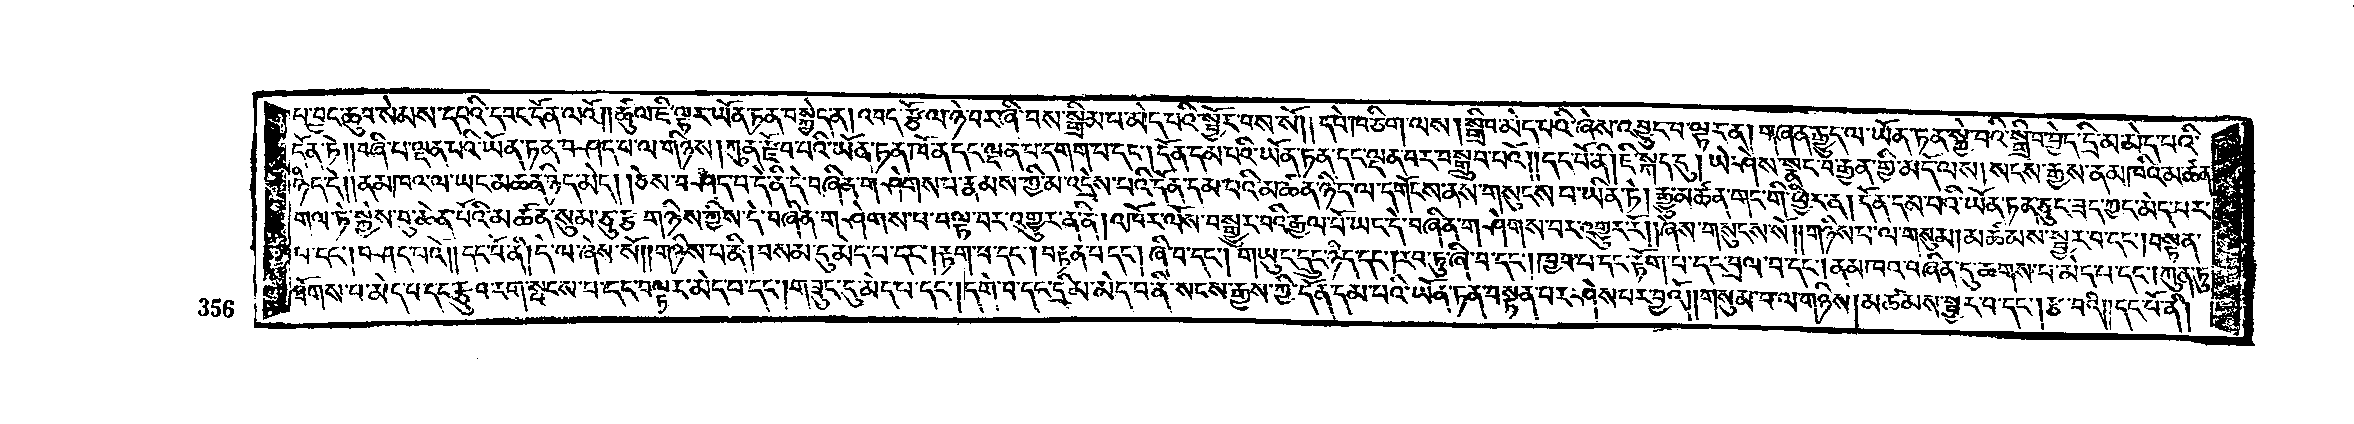པ་བྱང་ཆུབ་སེམས་དཔའི་དབང་དོན་ལའོ། །ཚུལ་ཇི་ལྟར་ཡོན་ཏན་བསྐྱེད་ན། འབད་རྩོལ་ཉེ་བར་ཞི་བས་སྒྲིམ་པ་མེད་པའི་སྦྱོར་བས་སོ། །དཔེ་ཁ་ཅིག་ལས། སྒྲིབ་མེད་པའི་ཞེས་འབྱུང་བ་ལྟར་ན། གཞན་རྒྱུད་ལ་ཡོན་ཏན་སྐྱེ་བའི་སྒྲིབ་བྱེད་དྲི་མ་མེད་པའི་
དོན་ཏེ། །བཞི་པ་ལྡན་པའི་ཡོན་ཏན་བཤད་པ་ལ་གཉིས། ཀུན་རྫོབ་པའི་ཡོན་ཏན་ཁོ་ན་དང་ལྡན་པ་དགག་པ་དང་། དོན་དམ་པའི་ཡོན་ཏན་དང་ལྡན་པར་བསྒྲུབ་པའོ། །དང་པོ་ནི། ཇི་སྐད་དུ། ཡེ་ཤེས་སྣང་བ་རྒྱན་གྱི་མདོ་ལས། སངས་རྒྱས་ནམ་མཁའི་མཚན་
ཉིད་དེ། །ནམ་མཁའ་ལ་ཡང་མཚན་ཉིད་མེད། །ཅེས་བཤད་པ་དེ་ནི་དེ་བཞིན་གཤེགས་པ་རྣམས་ཀྱི་མ་འདྲེས་པའི་དོན་དམ་པའི་མཚན་ཉིད་ལ་དགོངས་ནས་གསུངས་པ་ཡིན་ཏེ། རྒྱུ་མཚན་གང་གི་ཕྱིར་ན། དོན་དམ་པའི་ཡོན་ཏན་ཅུང་ཟད་ཀྱང་མེད་པར་
གལ་ཏེ་སྐྱེས་བུ་ཆེན་པོའི་མཚན་སུམ་ཅུ་རྩ་གཉིས་ཀྱིས་དེ་བཞིན་གཤེགས་པ་བལྟ་བར་འགྱུར་ན་ནི། འཁོར་ལོས་བསྒྱུར་བའི་རྒྱལ་པོ་ཡང་དེ་བཞིན་གཤེགས་པར་འགྱུར་རོ། །ཞེས་གསུངས་སོ། །གཉིས་པ་ལ་གསུམ། མཚམས་སྦྱར་བ་དང་། བསྟན་
པ་དང་། བཤད་པའོ། །དང་པོ་ནི། དེ་ལ་ཞེས་སོ། །གཉིས་པ་ནི། བསམ་དུ་མེད་པ་དང་། རྟག་པ་དང་། བརྟན་པ་དང་། ཞི་བ་དང་། གཡུང་དྲུང་ཉིད་དང་། རབ་ཏུ་ཞི་བ་དང་། ཁྱབ་པ་དང་རྟོག་པ་དང་བྲལ་བ་དང་། ནམ་མཁའ་བཞིན་དུ་ཆགས་པ་མེད་པ་དང་། ཀུན་ཏུ་
ཐོགས་པ་མེད་པ་དང་རྩུབ་རག་སྤངས་པ་དང་བལྟར་མེད་པ་དང་། གཟུང་དུ་མེད་པ་དང་། དགེ་བ་དང་དྲི་མ་མེད་པ་ནི་སངས་རྒྱས་ཀྱི་དོན་དམ་པའི་ཡོན་ཏན་བསྟན་པར་ཤེས་པར་བྱའོ། །གསུམ་པ་ལ་གཉིས། མཚམས་སྦྱར་བ་དང་། རྩ་བའི། །དང་པོ་ནི།